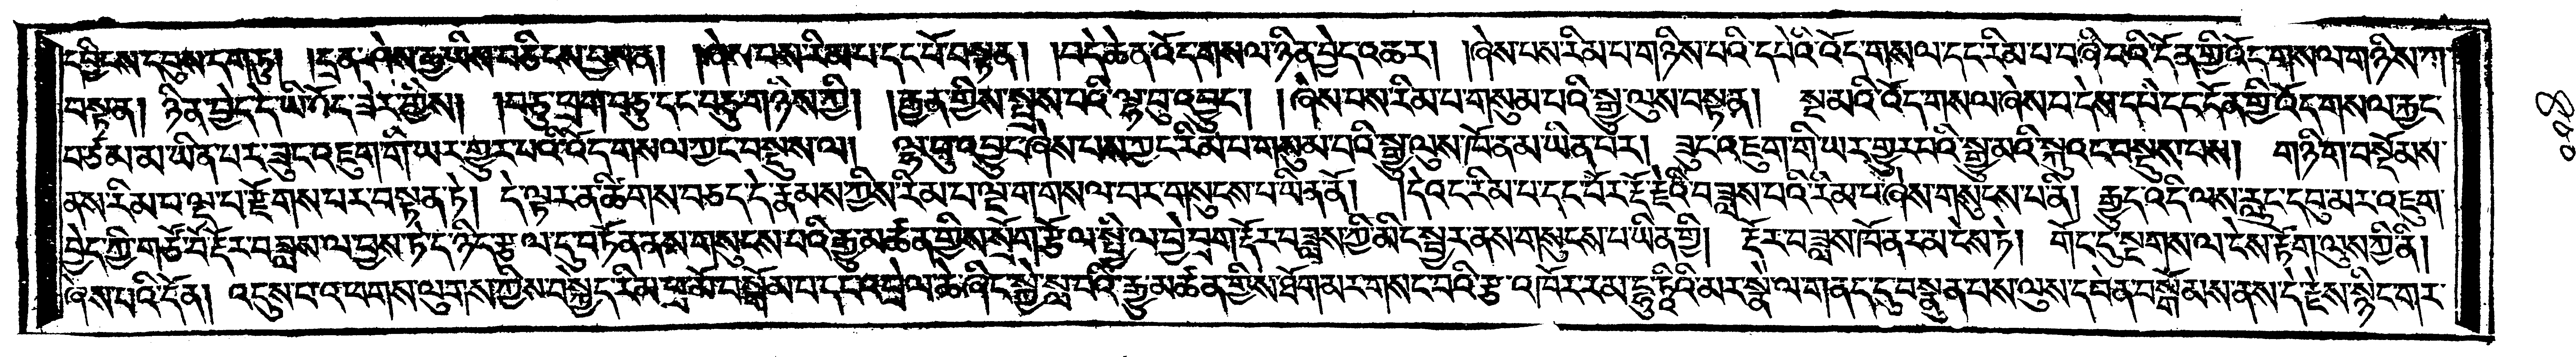དབྱིངས་དབུས་དག་ཏུ། །དྲན་ཤེས་རྒྱ་ཡིས་བཅིངས་བྱས་ན། །ཞེས་བས་རིམ་པ་དང་པོ་བསྟན། །བདེ་ཆེན་འོད་གསལ་ཉིན་བྱེད་འཆར། །ཞེས་པས་རིམ་པ་གཉིས་པའི་དཔེའི་འོད་གསལ་དང་རིམ་པ་བཞི་བའི་དོན་གྱི་འོད་གསལ་གཉིས་ཀ་
བསྟན༑ ཉིན་བྱེད་དེ་ཡི་འོད་ཟེར་གྱིས། །བཅུ་ཕྲག་བཅུ་དང་བཅུ་གཉིས་ཀྱི། །རྒྱན་གྱིས་སྤྲས་པའི་ལྷ་བུ་འབྱུང་། །ཞེས་པས་རིམ་པ་གསུམ་པའི་སྒྱུ་ལུས་བསྟན། སྔ་མའི་འོད་གསལ་ཞེས་པ་དེས་དཔེ་དང་དོན་གྱི་འོད་གསལ་རྐྱང་
པ་ཙམ་མ་ཡིན་པར་ཟུང་འཇུག་གི་ཡར་གྱུར་པའི་འོད་གསལ་ཀྱང་བསྡུས་ལ། ལྷ་བུ་འབྱུང་ཞེས་པས་ཀྱང་རིམ་པ་གསུམ་པའི་སྒྱུ་ལུས་ཁོ་ན་མ་ཡིན་པར། ཟུང་འཇུག་གི་ཡར་གྱུར་པའི་སྒྱུ་མའི་སྐུའང་བསྡུས་པས། །ཉིག་བསྡོམས་
ནས་རིམ་པ་ལྔ་པ་རྫོགས་པར་བསྟན་ཏེ། དེ་ལྟར་ན་ཚིགས་བཅད་དེ་རྣམས་ཀྱིས་རིམ་པ་ལྔ་ག་གསལ་བར་གསུངས་པ་ཡིན་ནོ། །དེའང་རིམ་པ་དང་པོར་རྡོ་རྗེའི་བཟླས་པའི་རིམ་པ་ཞེས་གསུངས་པ་ནི། རྒྱུད་འདི་ལས་རླུང་དབུ་མར་འཇུག་
བྱེད་ཀྱི་གཙོ་བརྡོར་བཟླས་ལ་བྱས་ཏེ་དེ་ཉིད་རྩ་ལ་དུ་བཏོན་ནས་གསུངས་པའི་རྒྱུ་མཚན་གྱིས་སྲོག་རྩོལ་སྤྱི་ལ་བྱེ་བྲག་རྡོར་བཟླས་ཀྱི་མིང་སྦྱར་ནས་གསུངས་པ་ཡིན་གྱི། རྡོར་བཟླས་ཁོ་ནར་མ་ངེས་ཏེ། གོང་དུ་སྔགས་ལ་ངེས་རྟོག་ལུས་ཅན།
ཞེས་པའི་དོན། འདུས་པ་འཕགས་ལུགས་ཀྱིས་བསྐྱེད་རིམ་ཕྲ་མོ་བསྒོམ་པ་དང་འབྲེལ་ཆེ་ཞིང་སྐྱེ་སླ་བའི་རྒྱུ་མཚན་གྱིས་ཐོག་མར་གསང་བའི་རྩ་འཁོར་རམ་དྷཱུཾ་ཏཱིའི་མར་སྣལ་གནད་དུ་བསྣུན་པས་ལུས་དབེན་བསྒམས་ནས་དེ་རྗེས་སྙིང་གང་